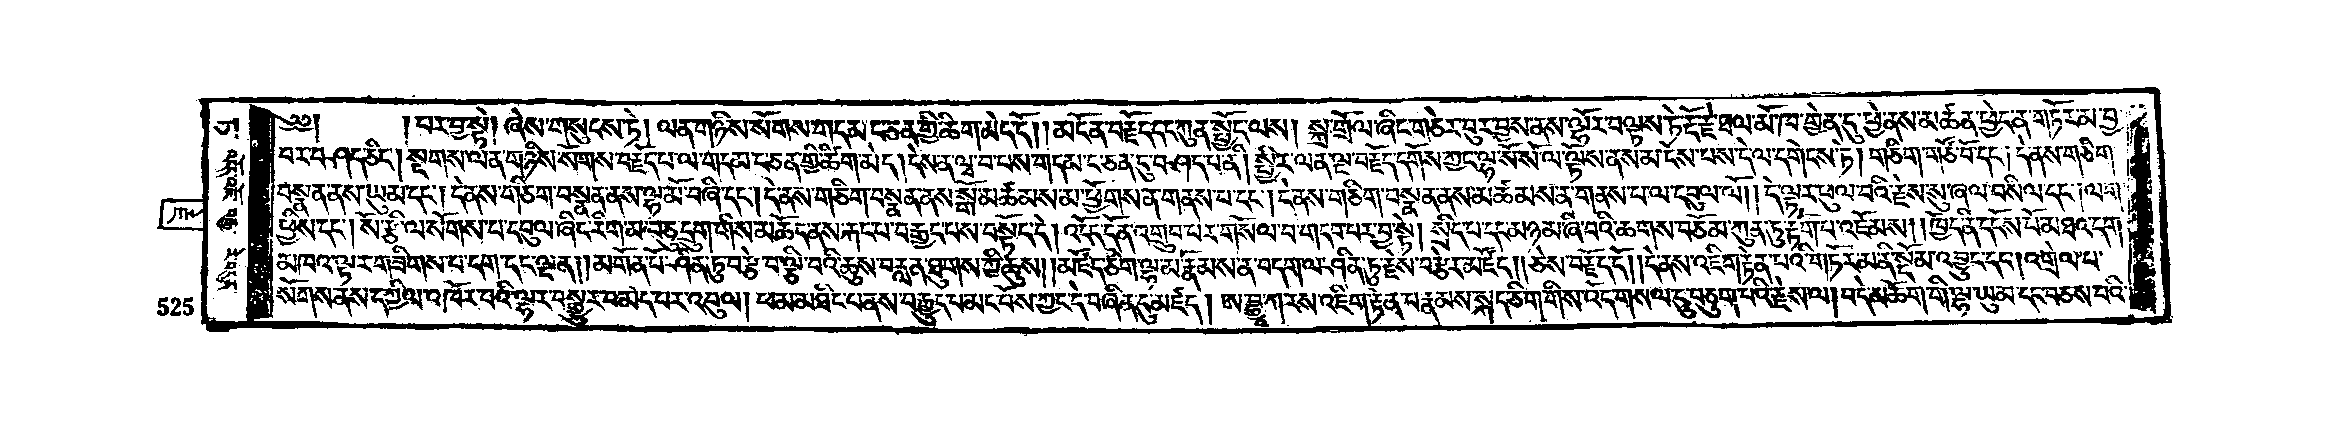༄༅། །པར་བྱ་སྟེ། ཞེས་གསུངས་ཏེ། ལན་གཉིས་སོགས་གདམ་ང་ཅན་གྱི་ཚིག་མེད་དོ། །མངོན་བརྗོད་དང་ཀུན་སྤྱོད་ལས། སྐྲ་གྲོལ་ཞིང་གཅེར་བུར་བྱས་ནས་ལྷོར་བལྟས་ཏེ་རྡོ་རྗེ་ཐལ་མོ་ཁ་གྱེན་དུ་ཕྱེ་ནས་མཚན་ཕྱེད་ན་གཏོར་མ་བྱ་
བར་བཤད་ཅིང་། སྔགས་ལན་གཉིས་སོགས་བརྗོད་པ་ལ་གདམ་ང་ཅན་གྱི་ཚིག་མེད། དེས་ན་ལྭ་བ་པས་གདམ་ང་ཅན་དུ་བཤད་པ་ནི། སྤྱིར་ལན་ལྔ་བརྗོད་དགོས་ཀྱང་ལྷ་སོ་སོ་ལ་ལྟོས་ནས་མ་ངེས་པས་དེ་ལ་དགོངས་ཏེ། གཅིག་གཙོ་བོ་དང་། དེ་ནས་གཅིག་
བསྣན་ནས་ཡུམ་དང་། དེ་ནས་གཅིག་བསྣན་ནས་ལྷ་མོ་བཞི་དང་། དེ་ནས་གཅིག་བསྣན་ནས་སྒོ་མཚམས་མ་ཕྱོགས་ན་གནས་པ་དང་། དེ་ནས་གཅིག་བསྣན་ནས་མཚམས་ན་གནས་པ་ལ་དབུལ་ལོ། །དེ་ལྟར་ཕུལ་བའི་རྗེས་སུ་ཞལ་བསིལ་དང་། ལག་
ཕྱིས་དང་། སོ་རྩི་ལ་སོགས་པ་དབུལ་ཞིང་རིག་མ་བཅུ་དྲུག་གིས་མཆོད་ནས་རྐང་པ་བརྒྱད་པས་བསྟོད་དེ། འདོད་དོན་འགྲུབ་པར་གསོལ་བ་གདབ་པར་བྱ་སྟེ། སྲིད་པ་དང་མཉམ་ཞི་བའི་ཆགས་བཅོམ་ཀུན་ཏུ་རྟོག་པ་འཇོམས། །ཁྱོད་ནི་དངོས་པོ་མཐའ་དག་
མཁའ་ལྟར་གཟིགས་པ་དག་དང་ལྡན། །མགོན་པོ་ཤིན་ཏུ་བརྩེ་བ་ལྕི་བའི་ཆུས་བརླན་ཐུགས་ཀྱི་ཆུས། །མཛོད་ཅིག་ལྷ་མོ་རྣམས་ན་བདག་ལ་ཤིན་ཏུ་རྗེས་བརྩེར་མཛོད། །ཅེས་བརྗོད་དོ། །དེ་ནས་འཇིག་རྟེན་པའི་གཏོར་མ་ནི་སྡོམ་འབྱུང་དང་། འགྲེལ་པ་
སོགས་ནས་དཀྱིལ་འཁོར་པའི་ལྷར་བསྒྱུར་བ་མེད་པར་འབུལ། ཕམ་མཐིང་པ་ནས་བརྒྱུད་པ་མང་པོས་ཀྱང་དེ་བཞིན་དུ་མཛད། ཨ་བྷྱཱ་ཀ་རས་འཇིག་རྟེན་པ་རྣམས་སྐད་ཅིག་གིས་འོད་གསལ་དུ་བཅུག་པའི་རྗེས་ལ། བདེ་མཆོག་གི་ལྷ་ཡུམ་དང་བཅས་པའི་